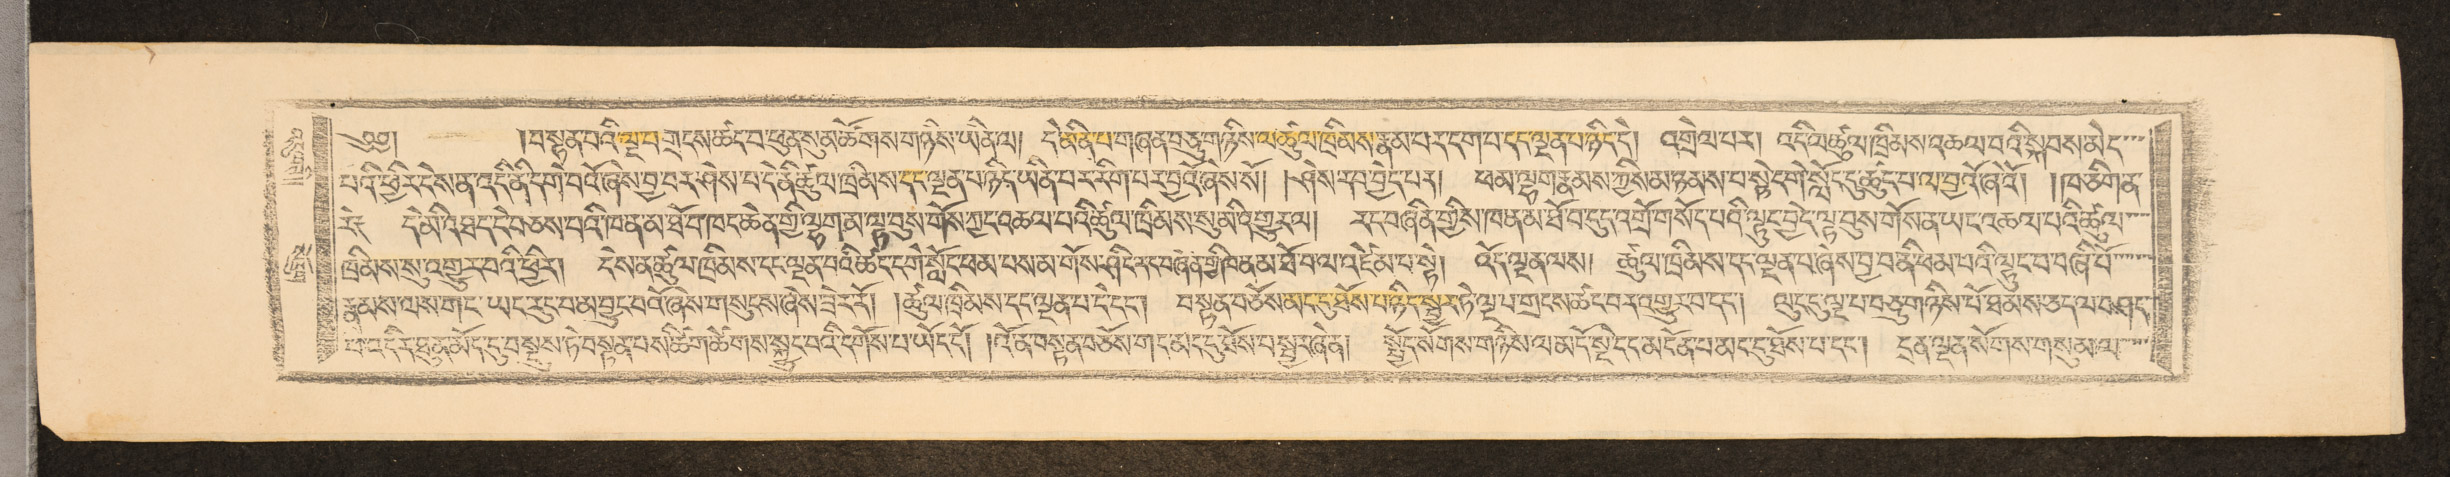༄༅། །བསྟན་པའི་ལྔ་པ་གྲངས་ཚང་བ་ཕུན་སུམ་ཚོགས་གཉིས་ཡིན་ལ། དེ་མིན་པ་གཞན་བཅུ་གཉིས་ལ་ཚུལ་ཁྲིམས་རྣམ་པར་དག་པ་དང་ལྡན་པ་ཉིད་དེ། འགྲེལ་བར། འདི་ལ་ཚུལ་ཁྲིམས་འཆལ་བའི་སྐབས་མེད་
པའི་ཕྱིར་དེས་ན་འདི་ནི་དགེ་པའོ་ཞེས་བྱ་བར་ཤེས་པ་དེ་ནི་ཚུལ་ཁྲིམས་དང་ལྡན་པ་ཉིད་ཡིན་པར་རིག་པར་བྱའོ་ཞེས་སོ། །ཤེས་རབ་བྱེད་པར། ཕམ་ལྷག་རྣམས་ཀྱིས་མ་ཉམས་པ་སྟེ་དགེ་སློང་དུ་ཚུད་པ་ལ་བྱའོ་ཞེའོ། །ཁ་ཅིག་ན་
རེ༑ དེ་མི་འཐད་དེ་བཅས་པའི་ཁ་ན་མ་ཐོ་བ་ཁང་ཆེན་གྱི་ལྷག་མ་ལྟ་བུས་གོས་ཀྱང་འཆལ་བའི་ཚུལ་ཁྲིམས་སུ་མི་འགྱུར་ལ། རང་བཞིན་གྱིས་ཁ་ན་མ་ཐོ་བ་དུད་འགྲོ་གསོད་པའི་ལྟུང་བྱེད་ལྟ་བུས་གོས་ན་ཡང་འཆལ་བའི་ཚུལ་
ཁྲིམས་སུ་འགྱུར་བའི་ཕྱིར། དེས་ན་ཚུལ་ཁྲིམས་དང་ལྡན་པའི་ཚང་དགེ་སློང་ཕམ་པས་མ་གོས་ཤིང་རང་བཞིན་གྱི་ཁ་ན་མ་ཐོ་བ་ལ་འཛེམ་པ་སྟེ། འོད་ལྡན་ལས། ཚུལ་ཁྲིམས་དང་ལྡན་པ་ཞེས་བྱ་བ་ནི་ཕམ་པའི་ལྟུང་བ་བཞི་པོ་
རྣམས་ལས་གང་ཡང་རུང་བ་མ་བྱུང་བའོ་ཞེས་གསུངས་ཞེས་ཟེར་རོ། །ཚུལ་ཁྲིམས་དང་ལྡན་པ་དེ་དང་། བསྟན་བཅོས་མང་དུ་ཐོས་པ་ཉིད་སྦྱར་ཏེ་ལྔ་བ་གྲངས་ཚང་བར་འགྱུར་བ་དང་། ལུང་དུ་ལྔ་པ་བཅུ་གཉིས་པོ་ཐམས་ཅད་ལ་བཤད་
པ་འདིར་ཐུན་མོང་དུ་བསྡུས་ཏེ་བསྟན་པས་ཚིག་ཚེགས་སྐྱུང་བའི་དགོས་པ་ཡོད་དོ། །འོ་ན་བསྟན་བཅོས་གང་མང་དུ་ཐོས་བ་སྦྱར་ཞེ་ན། སྤྱོད་སོགས་གཉིས་ལ་མདོ་སྡེ་དང་མངོན་པ་མང་དུ་ཐོས་པ་དང་། དྲན་ལྡན་སོགས་གསུམ་ལ་